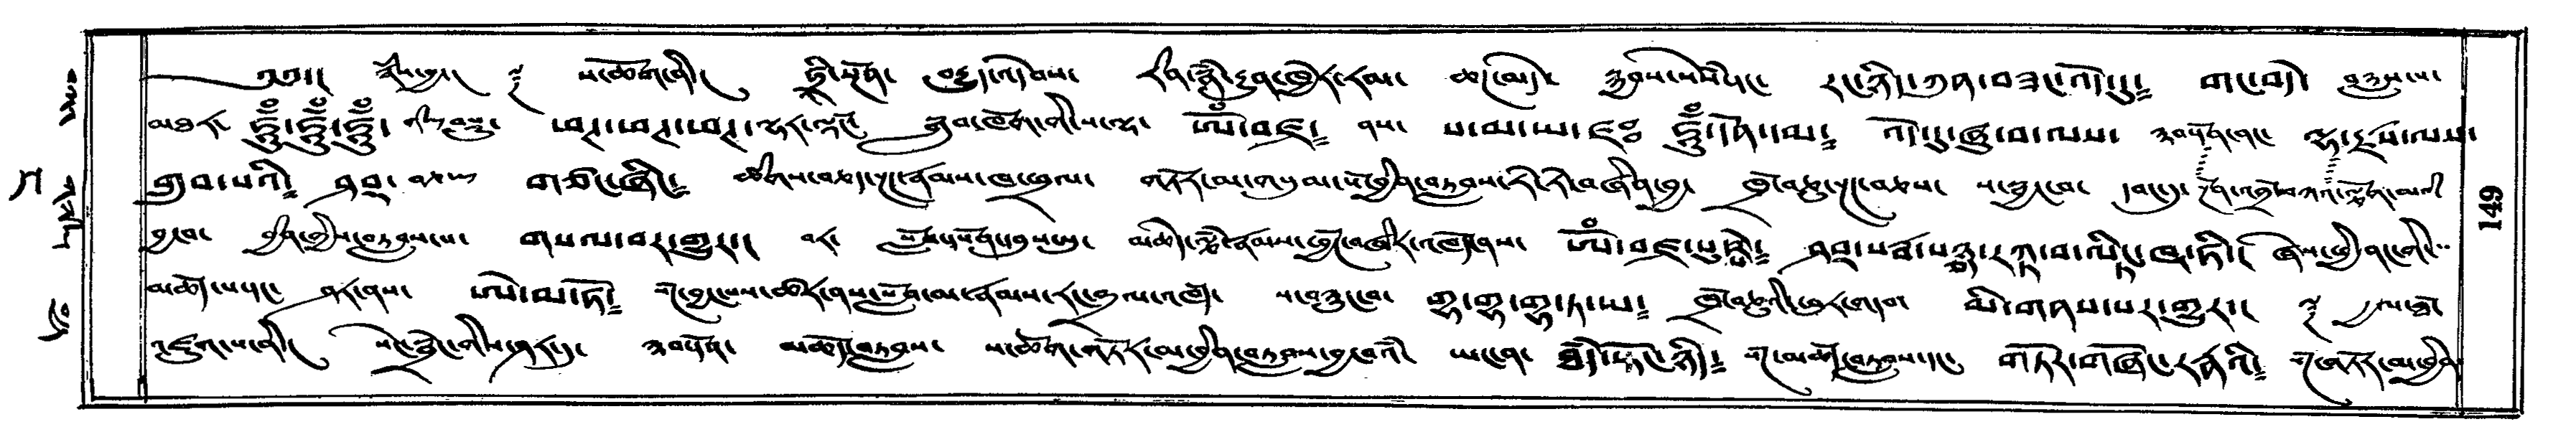རྣམས་བྱ། ༈ ས་ཆོག་ནི། ཧྲཱི༔སྔོན༴ བརྒྱུད་འདེབས། རིན་སྣམ་རྒྱུན་ཁྱེར་རམ། ཆགས་མེད། སྐྱབས་སེམས་དང་། རང་ཉིད་ཀུན་བཟང་འོད་དུ༴ གང་བདེ། བཟླས་པ་
མཐར། ཧཱུྃ་ཧཱུྃ་ཧཱུྃ། གིས་བསྡུས། ཕཊ་ཕཊ་ཕཊ། ལྷར་ལྡང་ངོ་། སྒྲུབ་ཁོག་གི་ས་ལྷ། ཨོཾ་བཛྲ༴ ནས། ས་མ་ཡ་ཛཿ ཧཱུྃ་དོན་དམ༴ འོད་དུ་ཞུ་བ་ལས། ཟབ་དོན་ནང་། ལྷ་རྫས་ལས་
གྲུབ་པའི༴ ཤབྡ༴ བཅས། གཙང་ཞིང༴ ཚིགས་བཅད་སྔགས་རྣམས་ཁ་ཕྲལ། གཏོར་མ་གསུམ་པོ་བྱིན་རླབས་རེ་རེ་བཞིན་བྱ། ཁྲོ་བཅུ་སྔགས་བཅས། ས་སྦྱང་བ། དབང་དུ་སྔོན་འགྲོ་བཀའ་ལྕོག་མའི་
བྱ་བ། བྱིན་གྱིས་རློབ་པ། གསལ་བར་གྱུར། བར། སློབ་དཔོན་དབུས་སུ། མཆེད་ལྕམ་རྣམས་ཕྱོགས་བཞིར་འཁོད་ནས། ཨོཾ་བཛྲ་པུཥྤེ༴ ཤབྡ་སརྦ་པཉྩ་རཀྟ་བྷ་ལིངྟ་ཁཱ་ཧི། ཞེས་ཕྱི་ནང་གི་
མཆོད་པ་དང་། ཤར་ནས། ཨེ་མ་ཧོ༴ སོགས་བྱང་པས་ཚར་ནས་སློབ་མ་རྣམས་རང་གྲལ་འཁོད། ས་བཟུང་བ། གྷ་གྷ་གྷ་ཏ་ཡ༴ ཁྲོ་བཅུའི་ཕུར་གདབ། མི་གནས་པར་གྱུར། ༈ རྒྱལ་ཐོ་
འཛུགས་པ་ནི། སེར་སྦྲེང་གི་ཤར་དུ། ཟབ་དོན། མཆོད་རླབས། ས་ཆོག་གཏེར་མ་བྱིན་རླབས་བྱ་བའམ།ཡང་ན། ཐམས་ཅད་སྟོང་ཉིད༴ སོགས་མཆོད་རླབས་དང་། གཏོར་གཞོང་རཏྣའི༴ སོགས་གཏོར་མ་བྱིན་